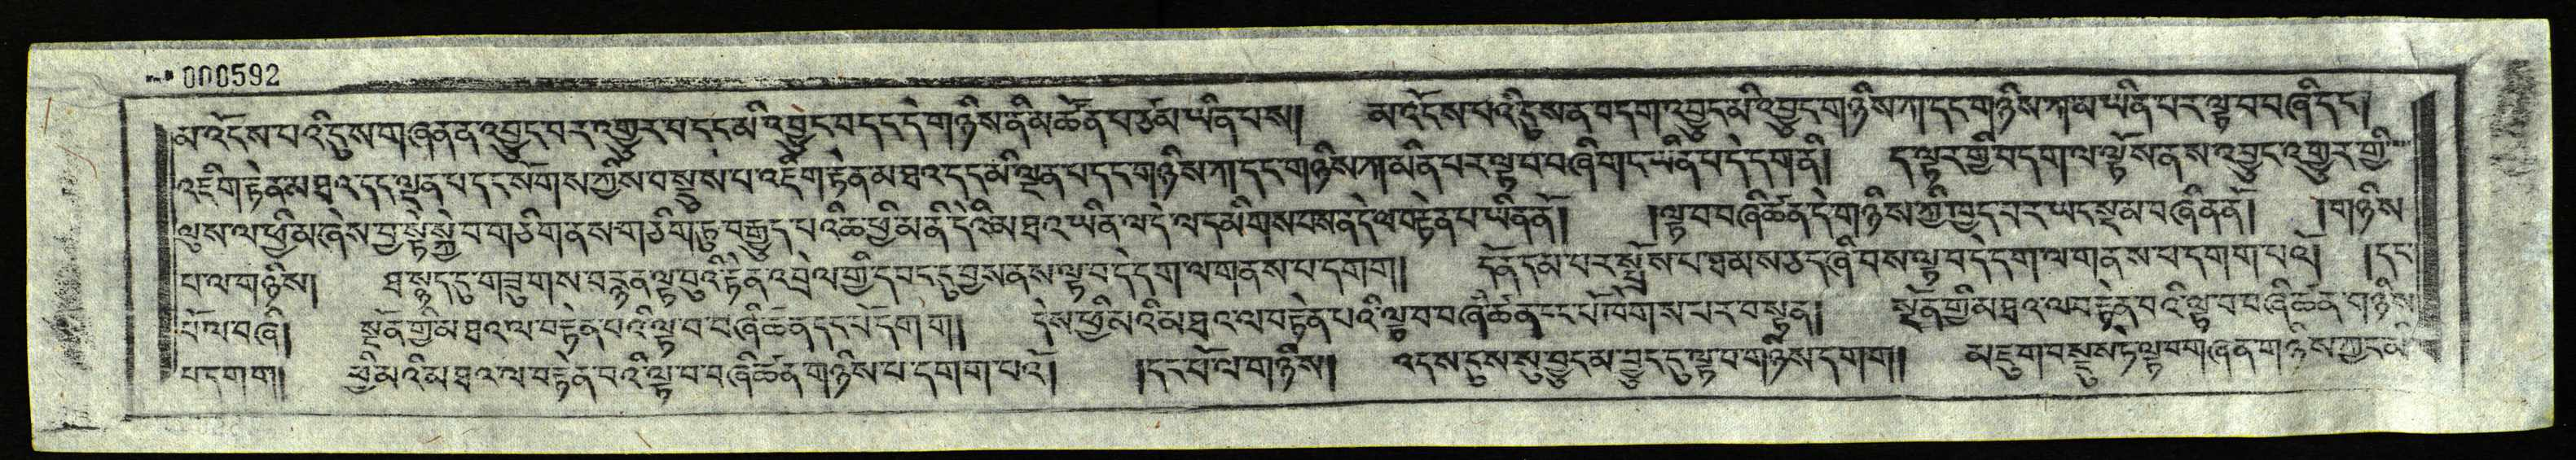མ་འོངས་པའི་དུས་གཞན་ན་འབྱུང་བར་འགྱུར་བ་དང་མི་འབྱུང་བ་དང་དེ་གཉིས་ནི་མཚོན་པ་ཙམ་ཡིན་པས། མ་འོངས་པའི་དུས་ན་བདག་འབྱུང་མི་འབྱུང་གཉིས་ཀ་དང་གཉིས་ཀ་མ་ཡིན་པར་ལྟ་བ་བཞི་དང་།
འཇིག་རྟེན་མཐའ་དང་ལྡན་པ་དང་སོགས་ཀྱིས་བསྡུས་པ་འཇིག་རྟེན་མཐའ་དང་མི་ལྡན་པ་དང་གཉིས་ཀ་དང་གཉིས་ཀ་མིན་པར་ལྟ་བ་བཞི་གང་ཡིན་པ་དེ་དག་ནི། ད་ལྟར་གྱི་བདག་ལ་ལྟོས་ནས་འབྱུང་འགྱུར་གྱི་
ལུས་ལ་ཕྱི་མ་ཞེས་བྱ་སྟེ་སྐྱེ་བ་གཅིག་ནས་གཅིག་ཏུ་བརྒྱད་པའི་ཆ་ཕྱི་མ་ནི་དེའི་མཐའ་ཡིན་ལ་དེ་ལ་དམིགས་པས་ན་དེ་ལ་བརྟེན་པ་ཡིན་ནོ། །ལྟ་བ་བཞི་ཚན་དེ་གཉིས་ཀྱི་ཁྱད་པར་ཡང་སྔ་མ་བཞིན་ནོ། །གཉིས་
པ་ལ་གཉིས། ཐ་སྙད་དུ་གཟུགས་བརྙན་ལྟ་བུའི་རྟེན་འབྲེལ་གྱི་དབང་དུ་བྱས་ནས་ལྟ་བ་དེ་དག་ལ་གནས་པ་དགག། དོན་དམ་པར་སྤྲོས་པ་ཐམས་ཅད་ཞི་བས་ལྟ་བ་དེ་དག་ལ་གནས་པ་དགག་པའོ། །དང་
པོ་ལ་བཞི། སྔོན་གྱི་མཐའ་ལ་བརྟེན་པའི་ལྟ་བ་བཞི་ཚ་ན་དང་པོ་དགག། དེས་ཕྱི་མའི་མཐའ་ལ་བརྟེན་པའི་ལྟ་བ་བཞི་ཚན་དང་པོ་ཁེགས་པར་བསྟན། སྔོན་གྱི་མཐའ་ལ་བརྟེན་པའི་ལྟ་བ་བཞི་ཚན་གཉིས་
པ་དགག། ཕྱི་མའི་མཐའ་ལ་བརྟེན་པའི་ལྟ་བ་བཞི་ཚན་གཉིས་པ་དགག་པའོ། །དང་པོ་ལ་གཉིས། འདས་དུས་སུ་བྱུང་མ་བྱུང་དུ་ལྟ་བ་གཉིས་དགག། མཇུག་བསྡུས་ཏེ་ལྟ་བ་གཞན་གཉིས་ཀྱང་མི་